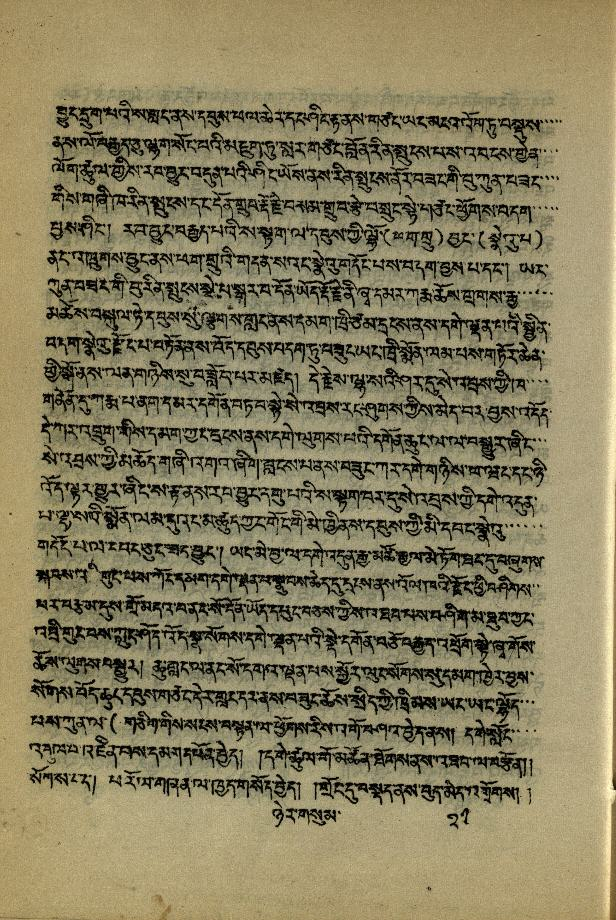བྱུང་དྲུག་པའི་ས་གླང་ནས་དབུས་ཕལ་ཆེ་ར་དང་ཤིང་རྟ་ནས་གཙན་ཡང་མངའ་འོག་ཏུ་བསྡུས་
ན་ས་ལོ་བརྒྱད་ཅུ་ལྷག་སོང་བའི་མཇུག་ཏུ་སླར་གཙང་བློན་རིན་སྤུངས་པས་འབངས་གྱེན་
ལོག་ཚུལ་གྱིས་རབ་བྱུང་བདུན་པའི་ཤིང་ཡོས་ནས་རིན་སྤུངས་ནོར་བཟང་གི་བུ་ཀུན་བཟང་
གིས་གཞི་ཁ་རིན་སྤུངས་དང་དོན་གྲུབ་རྡོ་རྗེ་བསམ་གྲུབ་རྩེ་བསྲུང་སྟེ་གཙང་ཕྱོགས་བདག་
བྱས་ཤིང་། རབ་བྱུང་བརྒྱད་པའི་ས་སྟག་ལ་དབུས་ཀྱི་ལྷོ་ཕག་གྲུ་བྱང་སྣེའུ་པ
ནང་འཁྲུགས་བྱུང་ནས་ཕག་གྲུའི་གདན་སའང་སྣེའུ་གདོང་པས་བདག་བྱས་པ་དང་། ཡང་
ཀུན་བཟང་གི་བུ་རིན་སྤུངས་སྡེ་པ་སྒར་བ་དོན་ཡོད་རྡོ་རྗེ་ནི་ཞྭ་དམར་ཀརྨ་ཆོས་གྲགས་རྒྱ་
མཚེས་བསྐུལ་ཏེ་དབུས་སུ་ལྕགས་གླང་ནས་དམག་ཁྲི་ཙམ་དྲངས་ནས་དགེ་ལྡན་པའི་སྦྱིན་
བདག་སྣེའུ་རྫོང་པ་བཏོན་ནས་བོད་དབུས་བདག་ཏུ་བཟུང་ཡང་ཁྲི་སྨོན་ལམ་པས་གཏོར་ཆེན་
གྱི་སྒོ་ནས་ལན་གཉིས་སུ་བཟློད་པར་མཛད། དེ་རྗེས་ལྷ་སའི་ཤར་དུ་སེ་འབྲས་ཀྱི་ཁ་
གནོན་དུ་ཀརྨ་པ་ནག་དམར་དགོན་བཏབ་སྟེ་སེ་འབྲས་རང་ཤུགས་ཀྱིས་མེད་བར་བྱས་འདོད་
དེ་ཀར་འབྲུག་གིས་དམག་ཀྱང་དྲངས་ནས་དགེ་ལུགས་པའི་དགོན་ཆུང་ལ་ལ་བསྒྱུར་ཞིང་
སེ་འབྲས་ཀྱི་མཆོད་གཞི་འགའ་ཞིག་བླངས་པ་ནས་བཟུང་ཀར་དགེ་གཉིས་ཕ་ཝང་དང་ཉི་
འོད་ལྟར་གྱུར་ཞིང་ས་རྟ་ནས་རབ་བྱུང་དགུ་པའི་ས་སྟག་བར་དུ་སེ་འབྲས་ཀྱི་དགེ་འདུན་
པ་ལྷ་སའི་སྨོན་ལམ་དུའང་མ་ཚུད་ཀྱང་གོང་གི་མེ་ཁྱི་ནས་དབུས་ཀྱི་མི་དབང་སྣེའུ་
གདོང་པ་ལ་དཔང་ཅུང་ཟད་བྱུང་། ཡང་མེ་བྱ་ལ་དགེ་འདུན་རྒྱ་མཚོ་རྒྱལ་མེ་ཏོག་ཐང་དུ་བཞུགས་
སྐབས་པའི་གུང་པས་ཀོང་དམག་དགེ་ལྡན་པ་སྣུབས་ཆེད་དུ་དྲངས་ནས་འོལ་ཁའི་རྫོང་ཕྱི་བཤིགས་
པར་བརྩམ་དུས་གྲོ་མདའ་བ་ནང་སོ་དོན་ཡོད་དཔུང་བཅས་ཀྱིས་འཐབ་པས་བཤིག་མ་ཐུབ་ཀྱང་
འབྲི་གུང་བས་ཀླུང་ཤོད་འོད་སྣ་སོགས་དགེ་ལྡན་པའི་སྡེ་དགོན་བཅོ་བརྒྱད་འཕྲོག་སྟེ་ཞྭ་གོས་
ཆོས་ལུགས་བསྒྱུར། ཆུ་གླང་ལ་ནང་སོ་དགའ་ལྡན་པས་སྐྱོར་ལུང་སོགས་སུ་དམག་ཁྱེར་བྱས་
སོགས་བོད་ཆུང་དབུས་གཙང་དེར་གླང་དར་ནས་བཟུང་ཆོས་སྲིད་ཀྱི་ཁྲིམས་ཡང་ཡང་ལྷོད་
པས་ཀུན་ལ་གཅིག་གིས་སངས་བསྟན་བ་ཕྱོགས་རིས་འགོ་བཤའ་བྱེད་ནས། དགེ་སློང་
འབུལ་བ་འཛིན་བས་དམག་དཔོན་བྱེད། །དགེ་ཚུལ་གོ་མཚོན་ཐོགས་ནས་འཐབ་ལ་བརྩོན།།
སོགས་དང་། ཕ་རོལ་གཞན་ལ་ཁྱད་གསོད་བྱེད། །གྲོང་དུ་བསྡད་ནས་བུད་མེད་འགྲོགས། །